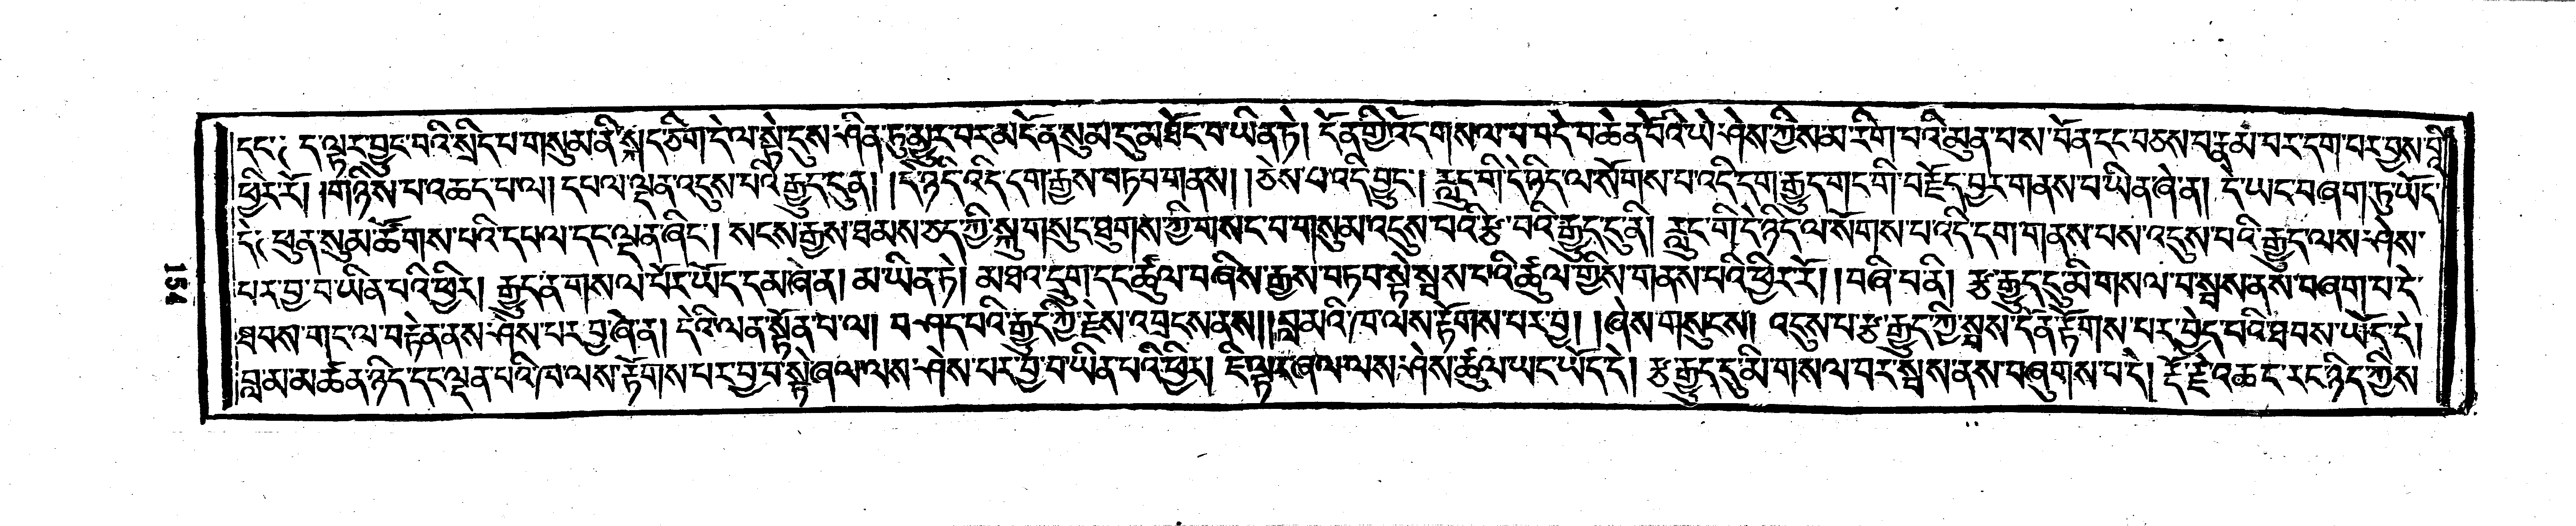དང༑ ད་ལྟར་བྱུང་བའི་སྲིད་པ་གསུམ་ནི་སྐད་ཅིག་དེ་ལ་སྟེ་དུས་ཤིན་ཏུ་མྱུར་བར་མངོན་སུམ་དུ་མཐོང་བ་ཡིན་ཏེ། དོན་གྱི་འོད་གསལ་པ་བདེ་བ་ཆེན་པོའི་ཡེ་ཤེས་ཀྱིས་མ་རིག་པའི་མུན་པ་ས་བོན་དང་བཅས་པ་རྣམ་པར་དག་པར་བྱས་པའི་
ཕྱིར་རོ། །གཉིས་པ་འཆད་པ་ལ། དཔལ་ལྡན་འདུས་པའི་རྒྱུད་དུ་ནི། །དེ་ཉིད་འདི་དག་རྒྱས་བཏབ་གནས། །ཅེས་པ་འདི་བྱུང་། རླུང་གི་དེ་ཉིད་ལ་སོགས་པ་འདི་དག་རྒྱུད་གང་གི་བརྗོད་བྱར་གནས་པ་ཡིན་ཞེ་ན། དེ་ཡང་བཞག་ཏུ་ཡོད་
དེ༑ ཕུན་སུམ་ཚོགས་པའི་དཔལ་དང་ལྡན་ཞིང་། སངས་རྒྱས་ཐམས་ཅད་ཀྱི་སྐུ་གསུང་ཐུགས་ཀྱི་གསང་བ་གསུམ་འདུས་པའི་རྩ་བའི་རྒྱུད་དུ་ནི། རླུང་གི་དེ་ཉིད་ལ་སོགས་པ་འདི་དག་གནས་པས་འདུས་པའི་རྒྱུད་ལས་ཤེས་
པར་བྱ་བ་ཡིན་པའི་ཕྱིར། རྒྱུད་ན་གསལ་པོར་ཡོད་དམ་ཞེ་ན། མ་ཡིན་ཏེ། མཐའ་དྲུག་དང་ཚུལ་བཞིས་རྒྱས་བཏབ་སྟེ་སྦས་པའི་ཚུལ་གྱིས་གནས་པའི་ཕྱིར་རོ། །བཞི་པ་ནི། རྩ་རྒྱུད་དུ་མི་གསལ་བ་སྦས་ནས་བཞག་པ་དེ་
ཐབས་གང་ལ་བརྟེན་ནས་ཤེས་པར་བྱ་ཞེ་ན། དེའི་ལན་སྟོན་པ་ལ། བཤད་པའི་རྒྱུད་ཀྱི་རྗེས་འབྲངས་ནས། །བླ་མའི་ཁ་ལས་རྟོགས་པར་བྱ། །ཞེས་གསུངས། འདུས་པ་རྩ་རྒྱུད་ཀྱི་སྦས་དོན་རྟོགས་པར་བྱེད་པའི་ཐབས་ཡོད་དེ།
བླ་མ་མཚན་ཉིད་དང་ལྡན་པའི་ཁ་ལས་རྟོགས་པར་བྱ་བ་སྟེ་ཞལ་ལས་ཤེས་པར་བྱ་བ་ཡིན་པའི་ཕྱིར། ཇི་ལྟར་ཞལ་ལས་ཤེས་ཚུལ་ཡང་ཡོད་དེ། རྩ་རྒྱུད་དུ་མི་གསལ་བར་སྦས་ནས་བཞུགས་པ་དེ། རྡོ་རྗེ་འཆང་རང་ཉིད་ཀྱིས་